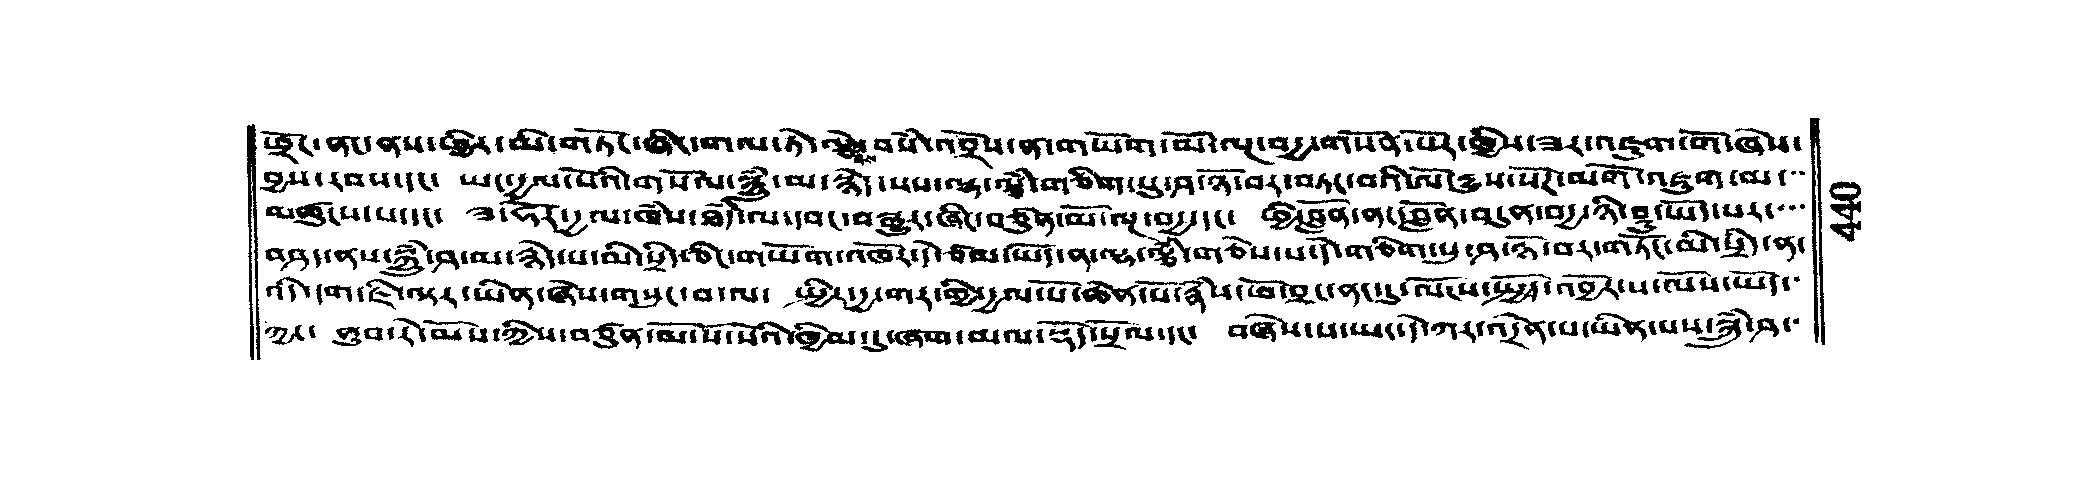ཕོ་བྲང་ནང་ནས་ཕྱིར་མི་གཏོང་ཞིང་གལ་ཏེ་ལྕེབས་སམ་འགྲོས་ན་གཡོག་མོ་ལྔ་བརྒྱ་གསོན་པོར་ཁྱིས་ཟར་འཇུག་གོ་ཞེས་
བྱས་རབས་དང་། ཡང་རྒྱལ་པོའི་གསོལ་སྐུམ་མ་རྙེད་པས་ལྷ་ལྕམ་གཅིག་པུ་ཤ་ཉོ་བར་བཏང་པའི་ལོ་རྒྱུས་སོགས་འགོ་འཇུག་མ་
མཚུངས་པ་དང་། ཟ་ཧོར་རྒྱལ་ཁམས་ཐམས་ཅད་ལ་དབང་བསྒྱུར་ཞིང་བཙུན་མོ་ལྔ་བརྒྱ་དང་། ཕྱི་བློན་ནང་བློན་བདུན་རྒྱ་ཉི་ཤུ་ཡོད་པར་
བཤད་ནས་སྐྲུམ་ཤ་མ་རྙེད་པ་མི་སྲིད་ཅིང་གཡོག་འཁོར་དེ་ཙམ་ཡོད་ན་ལྷ་ལྕམ་གཅེས་པ་དེ་གཅིག་པུ་ཤ་ཉོ་བར་གཏོང་མི་སྲིད་ན་
འདི་དག་ཇི་ལྟར་ཡིན་ཞེས་གསུང་བ་ལ། སྤྱིར་རྒྱ་གར་གྱི་རྒྱལ་པོ་ཆེན་པོ་རྣམས་ཕོ་བྲང་ནང་དུ་ལོངས་སྤྱོད་འབྱོར་པ་ལོས་ཡོད་
ཀྱང་། ནུབ་རེ་མོས་ཀྱིས་བཙུན་མོ་སོ་སོའི་ཁྱིམ་དུ་ཞག་མལ་སྡོད་སྲོལ་དང་། བཞེས་པ་ཡང་དེ་ཀར་འདྲེན་པ་ཡིན་པས་སྐྲུམ་ཤ་